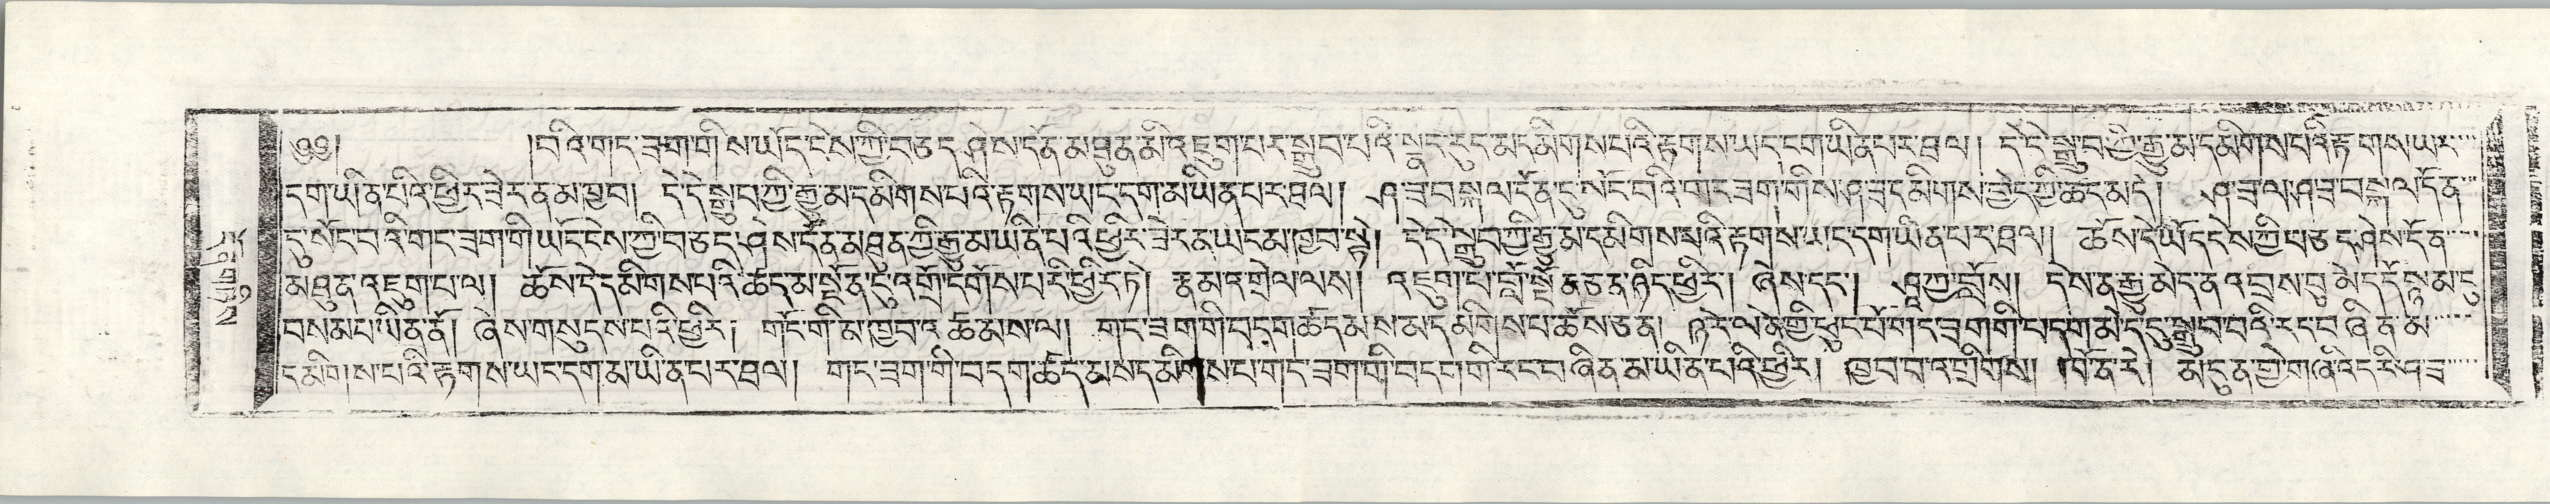༄༅། །བའི་གང་ཟག་གིས་ཡོད་ངེས་ཀྱི་བཅད་ཤེས་དོན་མཐུན་མི་འཇུག་པར་སྒྲུབ་པའི་སྣང་རུང་མ་དམིགས་པའི་རྟགས་ཡང་དག་ཡིན་པར་ཐལ། དེ་དེ་སྒྲུབ་ཀྱི་རྒྱུ་མ་དམིགས་པའི་རྟགས་ཡང་
དག་ཡིན་པའི་ཕྱིར་ཟེར་ན་མ་ཁྱབ། དེ་དེ་སྒྲུབ་ཀྱི་རྒྱུ་མ་དམིགས་པའི་རྟགས་ཡང་དག་མ་ཡིན་པར་ཐལ། ཤ་ཟ་བསྐལ་དོན་དུ་སོང་བའི་གང་ཟག་གིས་ཤ་ཟ་དམིགས་བྱེད་ཀྱི་ཚད་མ་དེ། ཤ་ཟ་ལ་ཤ་ཟ་བསྐལ་དོན་
དུ་སོང་བའི་གང་ཟག་གི་ཡོད་ངེས་ཀྱི་བཅད་ཤེས་དོན་མཐུན་གྱི་རྒྱུ་མ་ཡིན་པའི་ཕྱིར་ཟེར་ན་ཡང་མ་ཁྱབ་སྟེ། དེ་དེ་སྒྲུབ་ཀྱི་རྒྱུ་མ་དམིགས་པའི་རྟགས་ཡང་དག་ཡིན་པར་ཐལ། ཆོས་དེ་ཡོད་ངེས་ཀྱི་བཅད་ཤེས་དོན་
མཐུན་འཇུག་པ་ལ། ཆོས་དེ་དམིགས་པའི་ཚད་མ་སྔོན་དུ་འགྲོ་དགོས་པའི་ཕྱིར་ཏེ། རྣམ་འགྲེལ་ལས། འཇུག་པ་བློ་སྔོན་ཅན་ཉིད་ཕྱིར། ཞེས་དང་། ཤཱཀྱ་བློས། དེས་ན་རྒྱུ་མེད་ན་འབྲས་བུ་མེད་དོ་སྙམ་དུ་
བསམ་པ་ཡིན་ནོ། ཞེས་གསུངས་པའི་ཕྱིར། གོང་གི་མ་ཁྱབ་མཚམས་ལ། གང་ཟག་གི་བདག་ཚད་མས་མ་དམིགས་པ་ཆོས་ཅན། ཉེར་ལེན་གྱི་ཕུང་པོ་གང་ཟག་གི་བདག་མེད་དུ་སྒྲུབ་པའི་རང་བཞིན་མ་
དམིགས་པའི་རྟགས་ཡང་དག་མ་ཡིན་པར་ཐལ། གང་ཟག་གི་བདག་ཚད་མས་དམིགས་པ་གང་ཟག་གི་བདག་གི་རང་བཞིན་མ་ཡིན་པའི་ཕྱིར། ཁྱབ་པ་འགྲིགས། ཁོ་ན་རེ། མདུན་གྱེ་གཞི་འདིར་ཤ་ཟ་